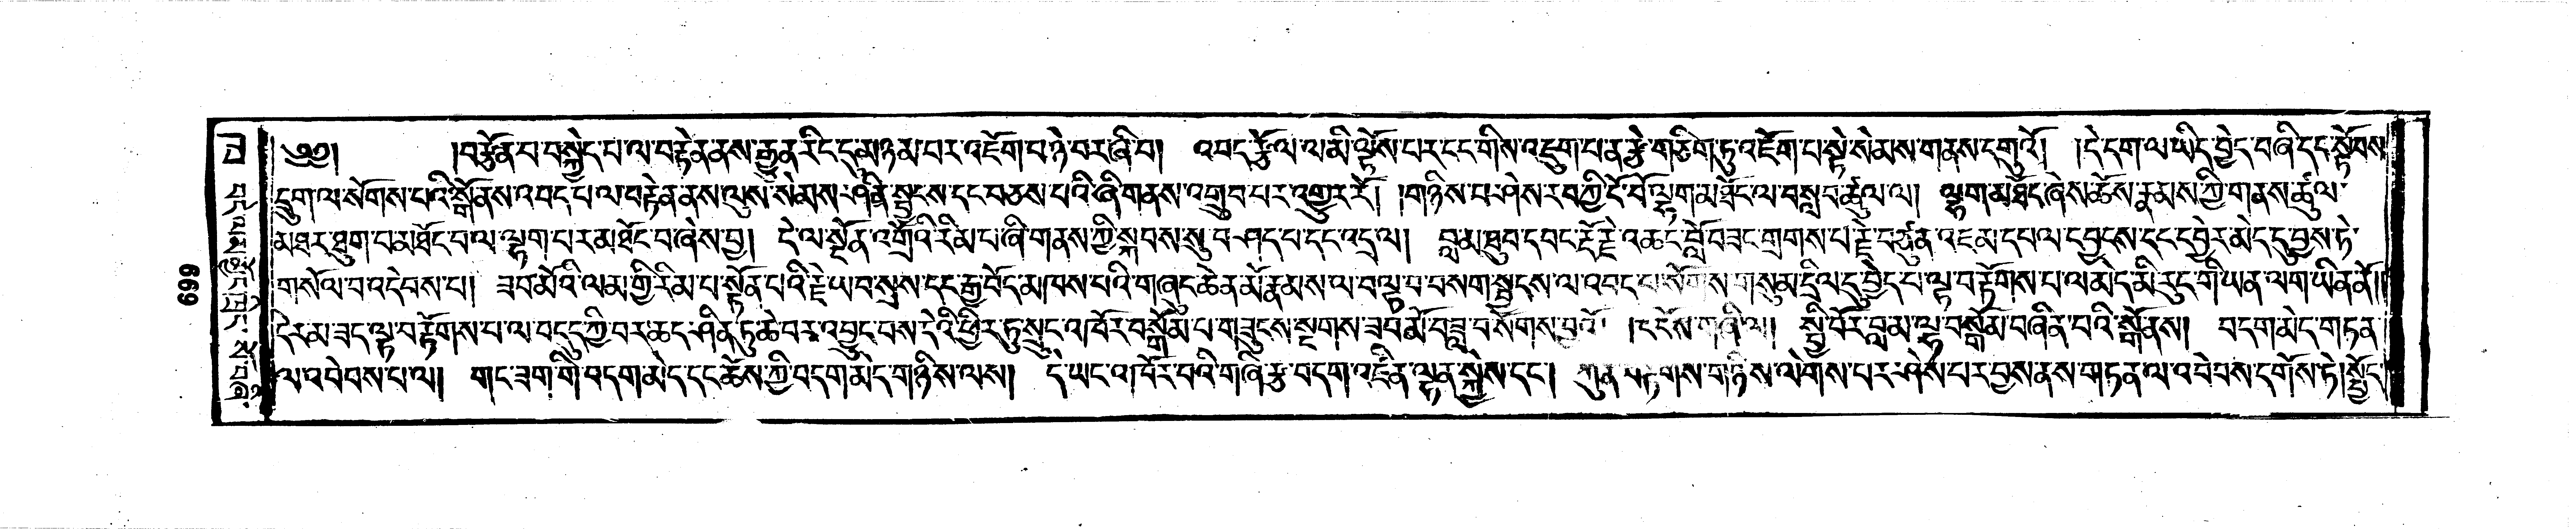༄༅། །བརྩོན་པ་བསྐྱེད་པ་ལ་བརྟེན་ནས་རྒྱུན་རིང་དུ་མཉམ་པར་འཇོག་པ་ཉེ་བར་ཞི་བ། འབད་རྩོལ་ལ་མི་ལྟོས་པར་ངང་གིས་འཇུག་པ་ན་རྩེ་གཅིག་ཏུ་འཇོག་པ་སྟེ་སེམས་གནས་དགུའོ། །དེ་དག་ལ་ཡིད་བྱེད་བཞི་དང་སྟོབས་
དྲུག་ལ་སོགས་པའི་སྒོ་ནས་འབད་པ་ལ་བརྟེན་ནས་ལུས་སེམས་ཤིན་སྦྱངས་དང་བཅས་པའི་ཞི་གནས་འགྲུབ་པར་འགྱུར་རོ། །གཉིས་པ་ཤེས་རབ་ཀྱི་ངོ་བོ་ལྷག་མཐོང་ལ་བསླབ་ཚུལ་ལ། ལྷག་མཐོང་ཞེས་ཆོས་རྣམས་ཀྱི་གནས་ཚུལ་
མཐར་ཐུག་པ་མཐོང་བ་ལ་ལྷག་པར་མཐོང་བ་ཞེས་བྱ། དེ་ལ་སྔོན་འགྲོའི་རིམ་པ་ཞི་གནས་ཀྱི་སྐབས་སུ་བཤད་པ་དང་འདྲ་ལ། བླ་མ་ཐུབ་དབང་རྡོ་རྗེ་འཆང་བློ་བཟང་གྲགས་པ་རྗེ་བཙུན་འཇམ་དཔལ་དབྱངས་དང་དབྱེར་མེད་དུ་བྱས་ཏེ་
གསོལ་བ་འདེབས་པ། ཟབ་མོའི་ལམ་གྱི་རིམ་པ་སྟོན་པའི་རྗེ་ཡབ་སྲས་དང་རྒྱ་བོད་མཁས་པའི་གཞུང་ཆེན་མོ་རྣམས་ལ་བལྟ་བ་བསག་སྦྱངས་ལ་འབད་པ་སོགས་གསུམ་དྲིལ་དུ་བྱེད་པ་ལྟ་བ་རྟོགས་པ་ལ་མེད་མི་རུང་གི་ཡན་ལག་ཡིན་ནོ།།
དེར་མ་ཟད་ལྟ་བརྟོགས་པ་ལ་བདུད་ཀྱི་བར་ཆད་ཤིན་ཏུ་ཆེ་བར་འབྱུང་བས་དེའི་ཕྱིར་ཏུ་སྲུང་འཁོར་བསྒོམ་པ་གཟུངས་སྔགས་ཟབ་མོ་བཟླ་བ་སོགས་བྱའོ། །དངོས་གཞི་ལ། སྦྱི་བོར་བླ་མ་ལྷ་བསྒོམ་བཞིན་པའི་སྒོ་ནས། བདག་མེད་གཏན་
ལ་འབེབས་པ་ལ། གང་ཟག་གི་བདག་མེད་དང་ཆོས་ཀྱི་བདག་མེད་གཉིས་ལས། དེ་ཡང་འཁོར་བའི་གཞི་རྩ་བདག་འཛིན་ལྷན་སྐྱེས་དང་། ཀུན་བརྟགས་གཉིས་ལེགས་པར་ཤེས་པར་བྱས་ནས་གཏན་ལ་འབེབས་དགོས་ཏེ། སྤྱོད་